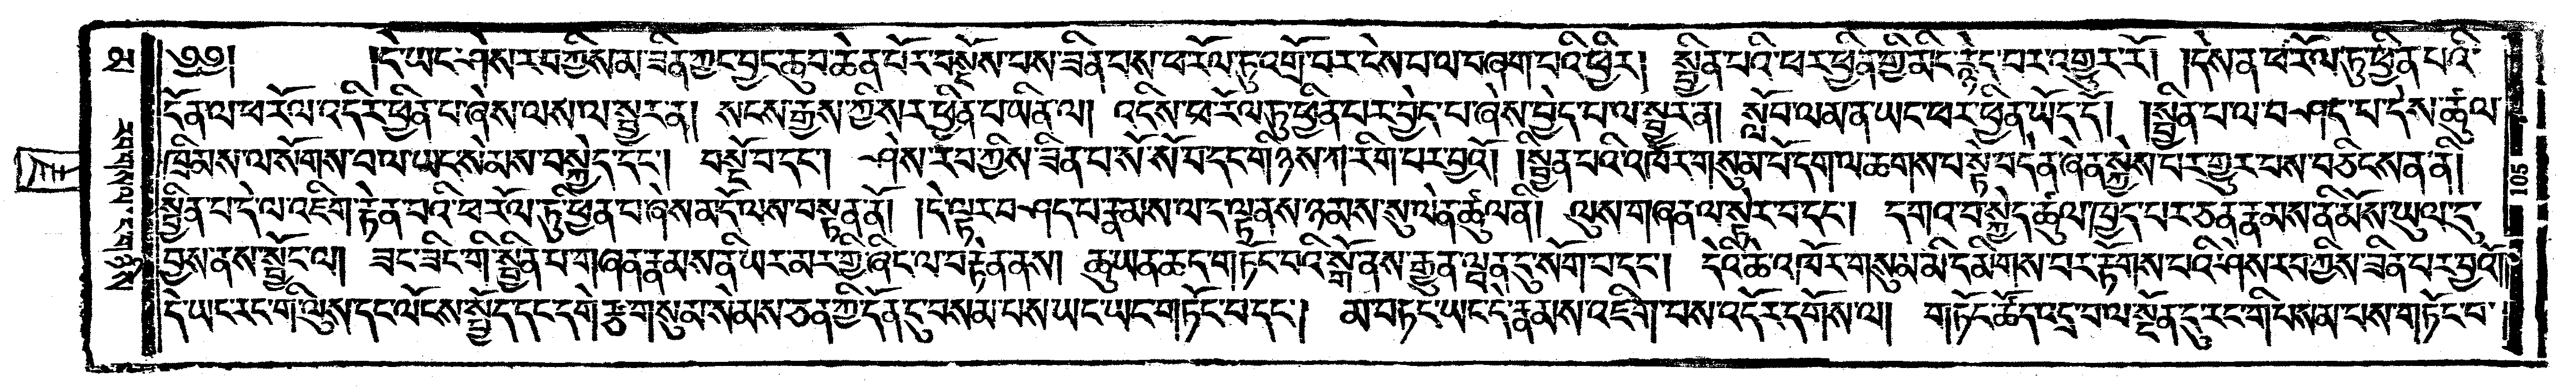༄༅། །དེ་ཡང་ཤེས་རབ་ཀྱིས་མ་ཟིན་ཀྱང་བྱང་ཆུབ་ཆེན་པོར་བསྔོས་པས་ཟིན་པས་ཕ་རོལ་ཏུ་འགྲོ་བར་ངེས་པ་ལ་བཞག་པའི་ཕྱིར། སྦྱིན་པའི་ཕར་ཕྱིན་གྱི་མིང་རྙེད་པར་འགྱུར་རོ། །དེས་ན་ཕ་རོལ་ཏུ་ཕྱིན་པའི་
དོན་ལ་ཕ་རོལ་འདིར་ཕྱིན་པ་ཞེས་ལས་ལ་སྦྱར་ན། སངས་རྒྱས་ཀྱི་སར་ཕྱིན་པ་ཡིན་ལ། འདིས་ཕ་རོལ་ཏུ་ཕྱིན་པར་བྱེད་པ་ཞེས་བྱེད་པ་ལ་སྦྱར་ན། སློབ་ལམ་ན་ཡང་ཕར་ཕྱིན་ཡོད་དོ། །སྦྱིན་པ་ལ་བཤད་པ་དེས་ཚུལ་
ཁྲིམས་ལ་སོགས་པ་ལ་ཡང་སེམས་བསྐྱེད་དང་། བསྔོ་བ་དང་། ཤེས་རབ་ཀྱིས་ཟིན་པ་སོ་སོ་བ་དང་གཉིས་ཀ་རིག་པ་བྱའོ། །སྦྱིན་པའི་འཁོར་གསུམ་པོ་དག་ལ་ཆགས་པ་སྟེ་བདེན་ཞེན་སྐྱེས་པར་གྱུར་པས་བཅིངས་ན་ནི།
སྦྱིན་པ་དེ་ལ་འཇིག་རྟེན་པའི་ཕ་རོལ་ཏུ་ཕྱིན་པ་ཞེས་མདོ་ལས་བསྟན་ནོ། །དེ་ལྟར་བཤད་པ་རྣམས་ལ་ད་ལྟ་ནས་ཉམས་སུ་ལེན་ཚུལ་ནི། ལུས་གཞན་ལ་སྟེར་བ་དང་། དགའ་བ་སྐྱེད་ཚུལ་ཁྱད་པར་ཅན་རྣམས་ནི་མོས་ཡུལ་དུ་
བྱས་ནས་སྦྱོང་ལ། ཟང་ཟིང་གི་སྦྱིན་པ་གཞན་རྣམས་ནི་ཡར་མར་གྱི་ཞིང་ལ་བརྟེན་ནས། ཆུ་ཡན་ཆད་གཏོང་བའི་སྒོ་ནས་རྒྱུན་ལྡན་དུ་སོག་པ་དང་། དེའི་ཚེ་འཁོར་གསུམ་མི་དམིགས་པར་རྟོགས་པའི་ཤེས་རབ་ཀྱིས་ཟིན་པར་བྱའོ།།
དེ་ཡང་རང་གི་ལུས་དང་ལོངས་སྤྱོད་དང་དགེ་རྩ་གསུམ་སེམས་ཅན་གྱི་དོན་དུ་བསམ་པས་ཡང་ཡང་གཏོང་བ་དང་། མ་བཏང་ཡང་དེ་རྣམས་འཇིག་པས་འདོར་དགོས་ལ། གཏོང་ཚོད་འདྲ་བ་ལ་སྔོན་དུ་རང་གི་བསམ་པས་གཏོང་བ་